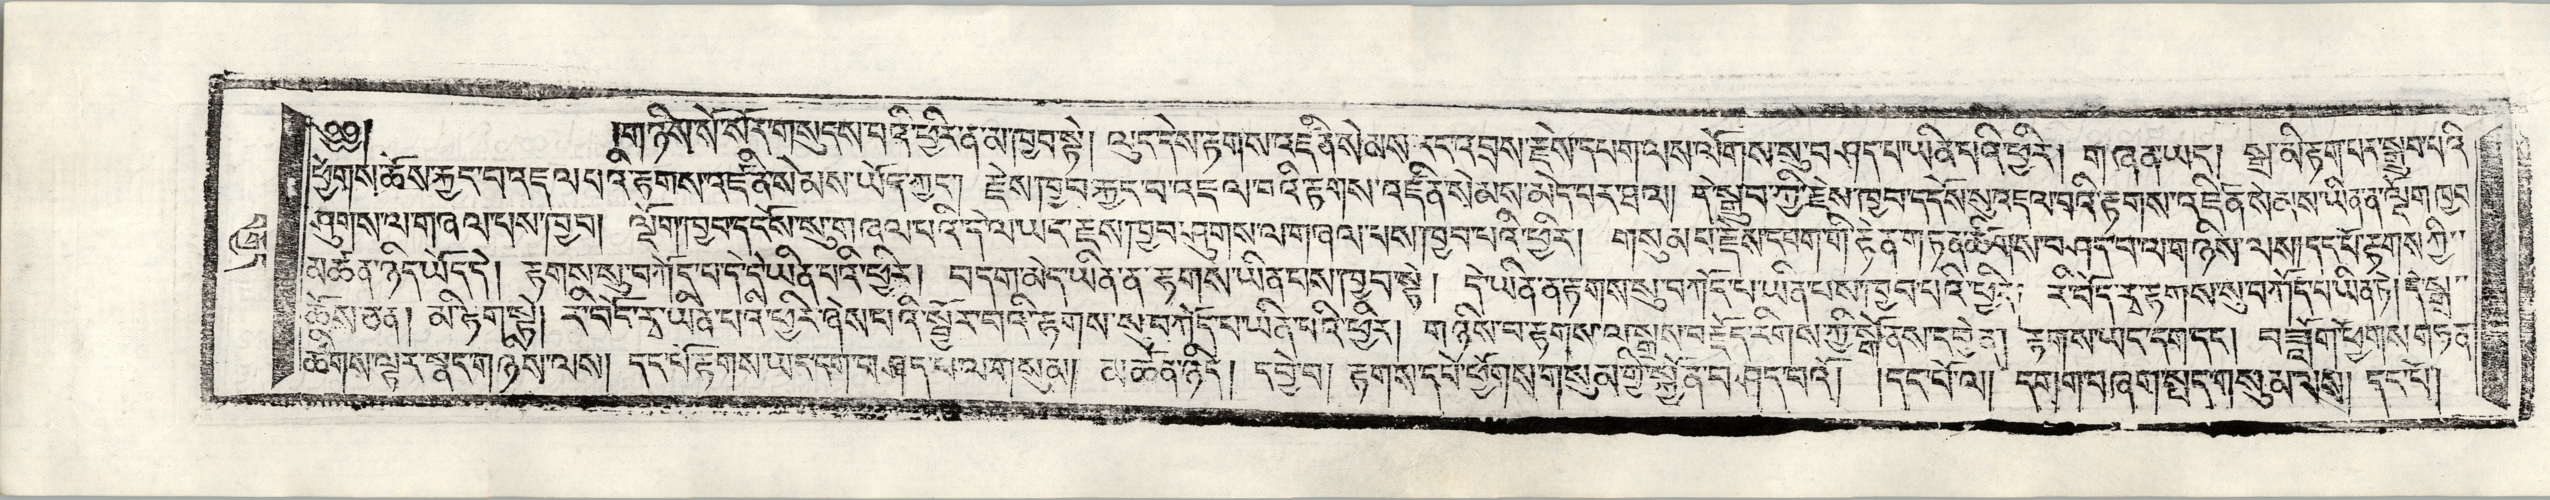༄༅། །གཉིས་སོ་སོར་གསུངས་པའི་ཕྱིར་ན་མ་ཁྱབ་སྟེ། ལུང་དེས་རྟགས་འཛིན་སེམས་རང་འབྲས་རྗེས་དཔག་ལས་ལོགས་སུ་བཤད་པ་ཡིན་པའི་ཕྱིར། གཞན་ཡང་། སྒྲ་མི་རྟག་པར་སྒྲུབ་པའི་
ཕྱོགས་ཆོས་རྐྱང་བ་འཇལ་བའི་རྟགས་འཛིན་སེམས་ཡོད་ཀྱང་། རྗེས་ཁྱབ་རྐྱང་བ་འཇལ་བའི་རྟགས་འཛིན་སེམས་མེད་པར་ཐལ། དེ་སྒྲུབ་ཀྱི་རྗེས་ཁྱབ་དངོས་སུ་འཇལ་བའི་རྟགས་འཛིན་སེམས་ཡིན་ན་ལྡོག་ཁྱབ་
ཤུགས་ལ་གཞལ་བས་ཁྱབ། ལྡོག་ཁྱབ་དངོས་སུ་གཞལ་བའི་དེ་ལ་ཡང་རྗེས་ཁྱབ་ཤུགས་ལ་གཞལ་བས་ཁྱབ་པའི་ཕྱིར། གསུམ་པ་རྗེས་དཔག་གི་རྟེན་གཏན་ཚིགས་བཤད་པ་ལ་གཉིས་ལས། དང་པོ་རྟགས་ཀྱི་
མཚན་ཉིད་ཡོད་དེ། རྟགས་སུ་བཀོད་པ་དེ་དེ་ཡིན་པའི་ཕྱིར། བདག་མེད་ཡིན་ན་རྟགས་ཡིན་པས་ཁྱབ་སྟེ། དེ་ཡིན་ན་རྟགས་སུ་བཀོད་པ་ཡིན་པས་ཁྱབ་པའི་ཕྱིར། རི་བོང་རྭ་རྟགས་སུ་བཀོད་པ་ཡིན་ཏེ། དེ་སྒྲ་
ཆོས་ཅན། མི་རྟག་སྟེ། རི་བོང་རྭ་ཡིན་པའི་ཕྱིར་ཞེས་པའི་སྦྱོར་བའི་རྟགས་སུ་བཀོད་པ་ཡིན་པའི་ཕྱིར། གཉིས་པ་རྟགས་ལ་སྒྲས་བརྗོད་རིགས་ཀྱི་སྒོ་ནས་དབྱེ་ན། རྟགས་ཡང་དག་དང་། ཟློག་ཕྱོགས་གཏན་
ཚིགས་ལྟར་སྣང་གཉིས་ལས། དང་པོ་རྟགས་ཡང་དག་བཤད་པ་ལ་གསུམ། མཚན་ཉིད། དབྱེ་བ། རྟགས་དཔེ་ཕྱོགས་གསུམ་གྱི་སྐྱོན་བཤད་པའོ། །དང་པོ་ལ། དགག་བཞག་སྤོང་གསུམ་ལས། དང་པོ།